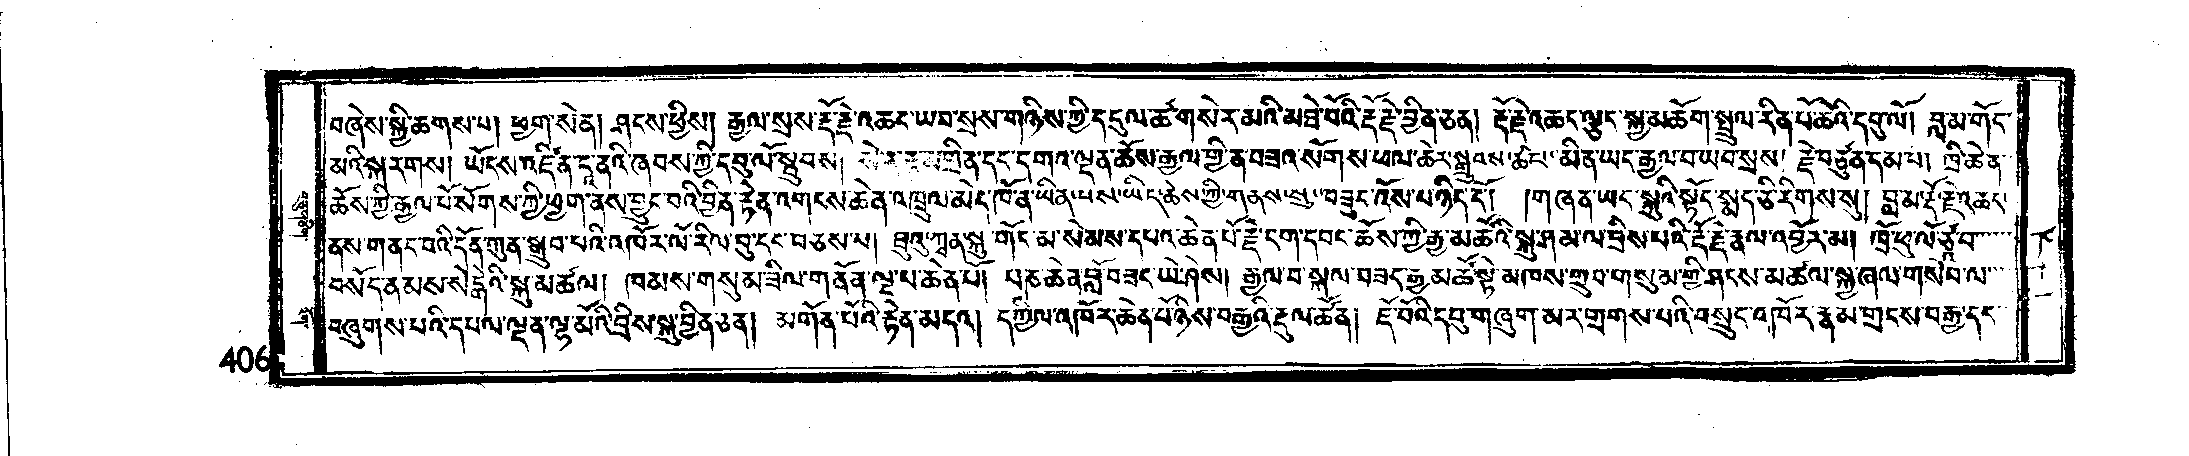བཞེས་སྐྱི་ཆགས་པ། ཕྱག་སེན། ཤངས་ཕྱིས། རྒྱལ་སྲས་རྡོ་རྗེ་འཆང་ཡབ་སྲས་གཉིས་ཀྱི་དངུལ་ཚ་གསེར་མའི་མཐེ་བོའི་རྡོ་རྗེ་བྱིན་ཅན། རྡོ་རྗེ་འཆང་ལྕང་སྐྱ་མཆོག་སྤྲུལ་རིན་པོ་ཆེའི་དབུ་ལོ། བླ་མ་གོང་
མའི་སྐ་རགས། ཡོངས་འཛིན་དཱ་ནའི་ཞབས་ཀྱི་དབུ་ལོ་སྦུབས། སེ་ར་རྟ་མགྲིན་དང་དགའ་ལྡན་ཆོས་རྒྱལ་གྱི་ན་བཟའ་སོགས་ཕལ་ཆེར་སྒྲུབས་ཚང་མིན་ཡང་རྒྱལ་བ་ཡབ་སྲས། རྗེ་བཙུན་དམ་པ། ཁྲི་ཆེན་
ཆོས་ཀྱི་རྒྱལ་པོ་སོགས་ཀྱི་ཕྱག་ནས་བྱུང་བའི་བྱིན་རྟེན་འགངས་ཆེན་འཁྲུལ་མེད་ཁོ་ན་ཡིན་པས་ཡིད་ཆེས་ཀྱི་གནས་སུ་བཟུང་འོས་པ་ཉིད་དོ། །གཞན་ཡང་སྐུའི་སྟོད་སྨད་ཅི་རིགས་སུ། བླ་མ་རྡོ་རྗེ་འཆང་
ནས་གནང་བའི་དོན་ཀུན་སྒྲུབ་པའི་འཁོར་ལོ་རིལ་བུ་དང་བཅས་པ། ཐུའུ་ཀྭན་སྐུ་གོང་མ་སེམས་དཔའ་ཆེན་པོ་རྗེ་ངག་དབང་ཆོས་ཀྱི་རྒྱ་མཚོའི་སྐུ་ཤམ་ལ་བྲིས་པའི་རྡོ་རྗེ་རྣལ་འབྱོར་མ། ཁྲོ་ཕུ་ལོ་ཙཱ་བ་
བསོད་ནམས་སེངྒེའི་སྐུ་མཚལ། ཁམས་གསུམ་ཟིལ་གནོན་ལྔ་པ་ཆེན་པོ། པཎ་ཆེན་བློ་བཟང་ཡེ་ཤེས། རྒྱལ་བ་སྐལ་བཟང་རྒྱ་མཚོ་སྟེ་མཁས་གྲུབ་གསུམ་གྱི་ཤངས་མཚལ་སྐྱ་ཞལ་གསེབ་ལ་
བཞུགས་པའི་དཔལ་ལྡན་ལྷ་མོའི་བྲིས་སྐུ་བྱིན་ཅན། མགོན་པོའི་རྟེན་མདའ། དཀྱིལ་འཁོར་ཆེན་པོ་ཉིས་བརྒྱའི་རྡུལ་ཚོན། ཇོ་བོའི་དབུ་གཞུག་མར་གྲགས་པའི་བསྲུང་འཁོར་རྣམ་གྲངས་བརྒྱ་དང་